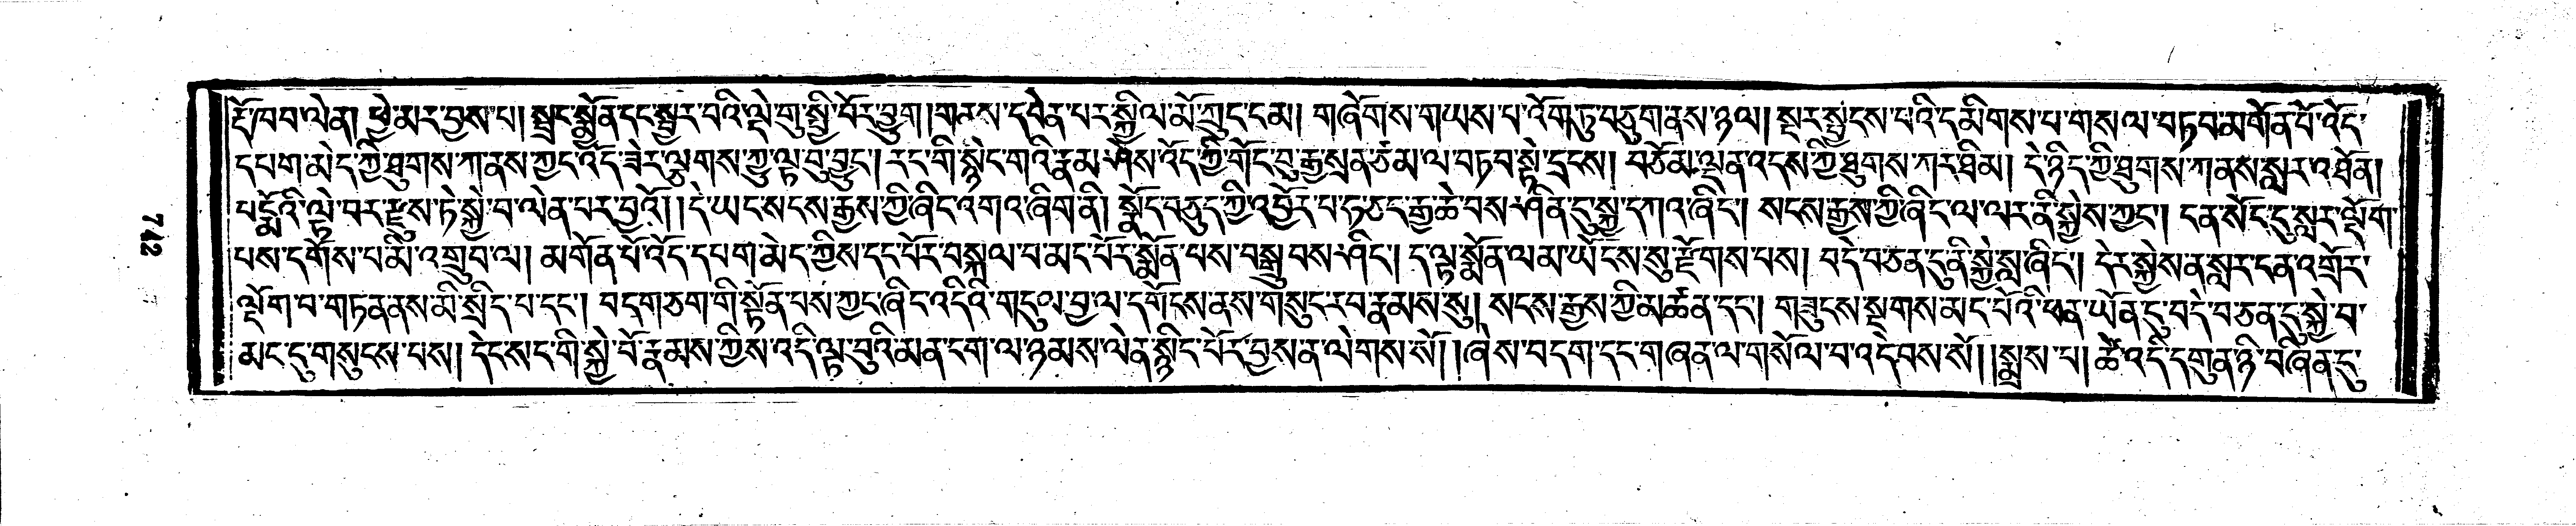རྡོ་ཁབ་ལེན། ཕྱེ་མར་བྱས་པ། སྦྲང་སྨྱོན་དང་སྦྱར་བའི་ལྡེ་གུ་སྤྱི་བོར་བྱུག །གནས་དབེན་པར་སྐྱིལ་མོ་ཀྲུང་ངམ། གཞོགས་གཡས་པ་འོག་ཏུ་བཅུག་ནས་ཉལ། སྔར་སྦྱངས་པའི་དམིགས་པ་གསལ་བཏབ་མགོན་པོ་འོད་
དཔག་མེད་ཀྱི་ཐུགས་ཀ་ནས་ཀྱང་འོད་ཟེར་ལྕགས་ཀྱུ་ལྟ་བུ་བྱུང་། རང་གི་སྙིང་གའི་རྣམ་ཤེས་འོད་ཀྱི་གོང་བུ་རྒྱ་སྲན་ཙམ་ལ་བཏབ་སྟེ་དྲངས། བཅོམ་ལྡན་འདས་ཀྱི་ཐུགས་ཀར་ཐིམ། དེ་ཉིད་ཀྱི་ཐུགས་ཀ་ནས་སླར་འཐོན།
པདམོའི་ལྟེ་བར་རྫུས་ཏེ་སྐྱེ་བ་ལེན་པར་བྱའོ། །དེ་ཡང་སངས་རྒྱས་ཀི་ཞིང་འགའ་ཞིག་ནི། སྣོད་བཅུད་ཀྱི་འབྱོར་པ་ཧ་ཅང་རྒྱ་ཆེ་བས་ཤིན་དུ་སྐྱེ་དཀའ་ཞིང་། སངས་རྒྱས་ཀྱི་ཞིང་ལ་ལར་ནི་སྐྱེས་ཀྱང་། ངན་སོང་དུ་སླར་ལྡོག་
པས་དགོས་པ་མི་འགྲུབ་ལ། མགོན་པོ་འདི་དཔག་མེད་ཀྱིས་དང་པོར་བསྐལ་པ་མང་པོར་སྨོན་པས་བསྒྲུབས་ཤིང་། ད་ལྟ་སྨོན་ལམ་ཡོངས་སུ་རྫོགས་པས། བདེ་བ་ཅན་དུ་ནི་སྐྱེ་སླ་ཞིང་། དེར་སྐྱེས་ན་སླར་ངན་འགྲོར་
ལྡོག་པ་གཏན་ནས་མི་སྲིད་པ་དང་། བདག་ཅག་གི་སྟོན་པས་ཀྱང་ཞིང་འདིའི་གདུལ་བྱ་ལ་དགོངས་ནས་གསུང་རབ་རྣམས་སུ། སངས་རྒྱས་ཀྱི་མཚན་དང་། གཟུངས་སྔགས་མང་པོའི་ཕན་ཡོན་དུ་བདེ་བ་ཅན་དུ་སྐྱེ་བ་
མང་དུ་གསུངས་པས། དེང་སང་གི་སྐྱེ་བོ་རྣམས་ཀྱིས་འདི་ལྟ་བུའི་མན་ངག་ལ་ཉམས་ལེན་སྙིང་པོར་བྱས་ན་ལེགས་སོ། །ཞེས་བདག་དང་གཞན་ལ་གསོལ་བ་འདེབས་སོ། །སྨྲས་པ། ཚེ་འདི་དགུན་ཉི་བཞིན་དུ་